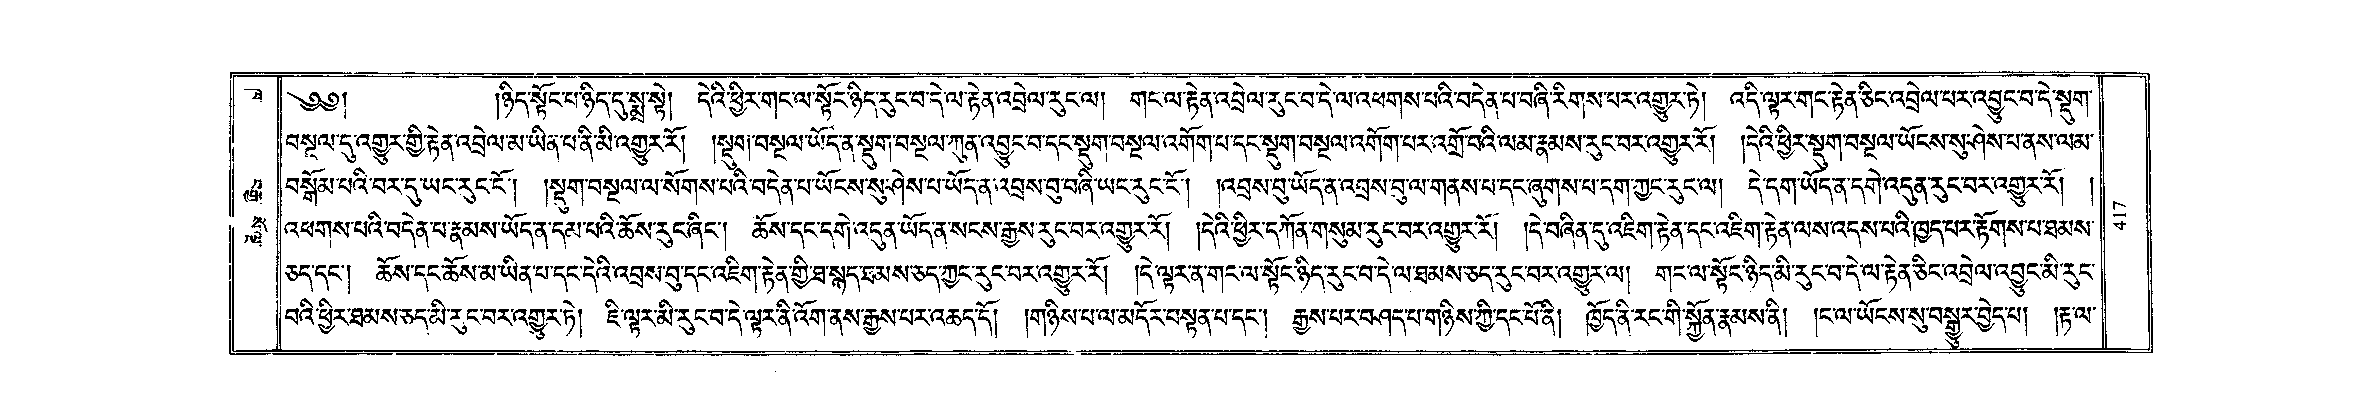༄༅། །ཉིད་སྟོང་པ་ཉིད་དུ་སྨྲ་སྟེ། དེའི་ཕྱིར་གང་ལ་སྟོང་ཉིད་རུང་བ་དེ་ལ་རྟེན་འབྲེལ་རུང་ལ། གང་ལ་རྟེན་འབྲེལ་རུང་བ་དེ་ལ་འཕགས་པའི་བདེན་པ་བཞི་རིགས་པར་འགྱུར་ཏེ། འདི་ལྟར་གང་རྟེན་ཅིང་འབྲེལ་པར་འབྱུང་བ་དེ་སྡུག་
བསྔལ་དུ་འགྱུར་གྱི་རྟེན་འབྲེལ་མ་ཡིན་པ་ནི་མི་འགྱུར་རོ། །སྡུག་བསྔལ་ཡོད་ན་སྡུག་བསྔལ་ཀུན་འབྱུང་བ་དང་སྡུག་བསྔལ་འགོག་པ་དང་སྡུག་བསྔལ་འགོག་པར་འགྲོ་བའི་ལམ་རྣམས་རུང་བར་འགྱུར་རོ། །དེའི་ཕྱིར་སྡུག་བསྔལ་ཡོངས་སུ་ཤེས་པ་ནས་ལམ་
བསྒོམ་པའི་བར་དུ་ཡང་རུང་ངོ། །སྡུག་བསྔལ་ལ་སོགས་པའི་བདེན་པ་ཡོངས་སུ་ཤེས་པ་ཡོད་ན་འབྲས་བུ་བཞི་ཡང་རུང་ངོ། །འབྲས་བུ་ཡོད་ན་འབྲས་བུ་ལ་གནས་པ་དང་ཞུགས་པ་དག་ཀྱང་རུང་ལ། དེ་དག་ཡོད་ན་དགེ་འདུན་རུང་བར་འགྱུར་རོ། །
འཕགས་པའི་བདེན་པ་རྣམས་ཡོད་ན་དམ་པའི་ཆོས་རུང་ཞིང་། ཆོས་དང་དགེ་འདུན་ཡོད་ན་སངས་རྒྱས་རུང་བར་འགྱུར་རོ། །དེའི་ཕྱིར་དཀོན་གསུམ་རུང་བར་འགྱུར་རོ། །དེ་བཞིན་དུ་འཇིག་རྟེན་དང་འཇིག་རྟེན་ལས་འདས་པའི་ཁྱད་པར་རྟོགས་པ་ཐམས་
ཅད་དང་། ཆོས་དང་ཆོས་མ་ཡིན་པ་དང་དེའི་འབྲས་བུ་དང་འཇིག་རྟེན་གྱི་ཐ་སྙད་ཐམས་ཅད་ཀྱང་རུང་བར་འགྱུར་རོ། །དེ་ལྟར་ན་གང་ལ་སྟོང་ཉིད་རུང་བ་དེ་ལ་ཐམས་ཅད་རུང་བར་འགྱུར་ལ། གང་ལ་སྟོང་ཉིད་མི་རུང་བ་དེ་ལ་རྟེན་ཅིང་འབྲེལ་འབྱུང་མི་རུང་
བའི་ཕྱིར་ཐམས་ཅད་མི་རུང་བར་འགྱུར་ཏེ། ཇི་ལྟར་མི་རུང་བ་དེ་ལྟར་ནི་འོག་ནས་རྒྱས་པར་འཆད་དོ། །གཉིས་པ་ལ་མདོར་བསྟན་པ་དང་། རྒྱས་པར་བཤད་པ་གཉིས་ཀྱི་དང་པོ་ནི། ཁྱོད་ནི་རང་གི་སྐྱོན་རྣམས་ནི། །ང་ལ་ཡོངས་སུ་བསྒྱུར་བྱེད་པ། །རྟ་ལ་